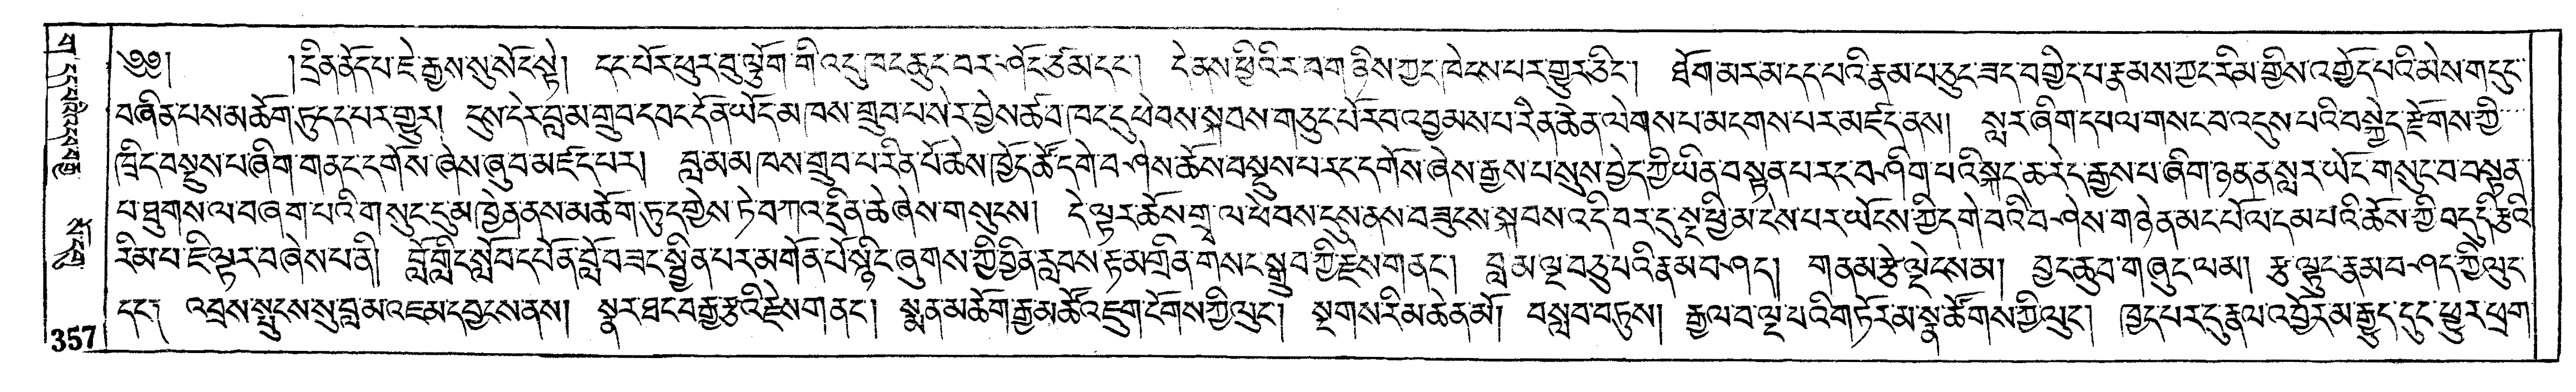༄༅། །དྲིན་ནོད་བ་ཇེ་རྒྱས་སུ་སོང་སྟེ། དང་པོར་ཕུར་བུ་ལྕོག་གི་འདུ་ཁང་ཆུང་བར་ཤོང་ཙམ་དང་། དེ་ནས་ཕྱིའི་ར་བ་གཉིས་ཀྱང་ཁེངས་བར་གྱུར་ཅིང་། ཐོག་མར་མ་དད་པའི་རྣམ་པ་ཅུང་ཟད་བགྱིད་པ་རྣམས་ཀྱང་རིམ་གྱིས་འགྱོད་པའི་མེས་གདུང་
བཞིན་པས་མཆོག་ཏུ་དད་པར་གྱུར། དུས་དེར་བླ་མ་གྲུབ་དབང་དོན་ཡོད་མཁས་གྲུབ་པ་སེར་བྱེས་ཚ་བ་ཁང་དུ་ཕེབས་སྐབས་གཅུང་པོ་རབ་འབྱམས་པ་རིན་ཆེན་ལེགས་པར་མངགས་པར་མཛད་ནས། སླར་ཞིག་དཔལ་གསང་བ་འདུས་པའི་བསྐྱེད་རྫོགས་ཀྱི་
ཁྲིད་བསྡུས་པ་ཞིག་གནང་དགོས་ཞེས་ཞུ་པ་མཛད་པར། བླ་མ་མཁས་གྲུབ་པ་རིན་པོ་ཆེས་ཁྱོད་ཚོ་དགེ་བཤེས་ཆོས་བསྡུས་པ་རང་དགོས་ཞེས་རྒྱས་བསུས་བྱེད་ཀྱི་ཡིན་བསྟན་པ་རང་བཤིག་པའི་སྐད་ཆ་རེད་རྒྱས་པ་ཞིག་ཉན་ན་སླར་ཡོང་གསུང་བ་བསྟན་
པ་ཐུགས་ལ་བཞག་པའི་གསུང་དུ་མཁྱེན་ནས་མཆོག་ཏུ་དགྱེས་ཏེ་བཀའ་དྲིན་ཆེ་ཞེས་གསུངས། དེ་ལྟར་ཆོས་གྲྭ་ལ་ཕེབས་དུས་ནས་བཟུངས་སྐབས་འདི་བར་དུ་སྔ་ཕྱི་མ་ངེས་པར་ཡོངས་ཀྱི་དགེ་པའི་བཤེས་གཉེན་མང་པོ་ལ་དམ་པའི་ཆོས་ཀྱི་བདུད་རྩིའི་
རིམ་པ་ཇི་ལྟར་བཞེས་པ་ནི། བློ་གླིང་སློབ་དཔོན་བློ་བཟང་སྤྱིན་པར་མགོན་པོ་སྙིང་ཞུགས་ཀྱི་བྱིན་རླབས་རྟ་མགྲིན་གསང་སྒྲུབ་ཀྱི་རྗེས་གནང་། བླ་མ་ལྔ་བཅུ་བའི་རྣམ་བཤད། གནམ་རྩེ་ལྡེངས་མ། བྱང་ཆུབ་གཞུང་ལམ། རྩ་ལྟུང་རྣམ་བཤད་ཀྱི་ལུང་
དང་། འབྲས་སྤུངས་སུ་བླ་མ་འཇམ་དབྱངས་ནས། སྣར་ཐང་བརྒྱ་རྩིའི་རྗེས་གནང་། སྨན་མཆོག་རྒྱ་མཚོ་འཇུག་དོགས་ཀྱི་ལུང་། སྔགས་རིན་ཆེན་མོ། བསླབ་བཏུས། རྒྱལ་བ་ལྔ་བའི་གཏོར་མ་སྣ་ཚོགས་ཀྱི་ལུང་། ཁྱད་པར་དུ་རྣལ་འབྱོར་མ་རྒྱུད་དུང་ཕྱུར་ཕྲག་